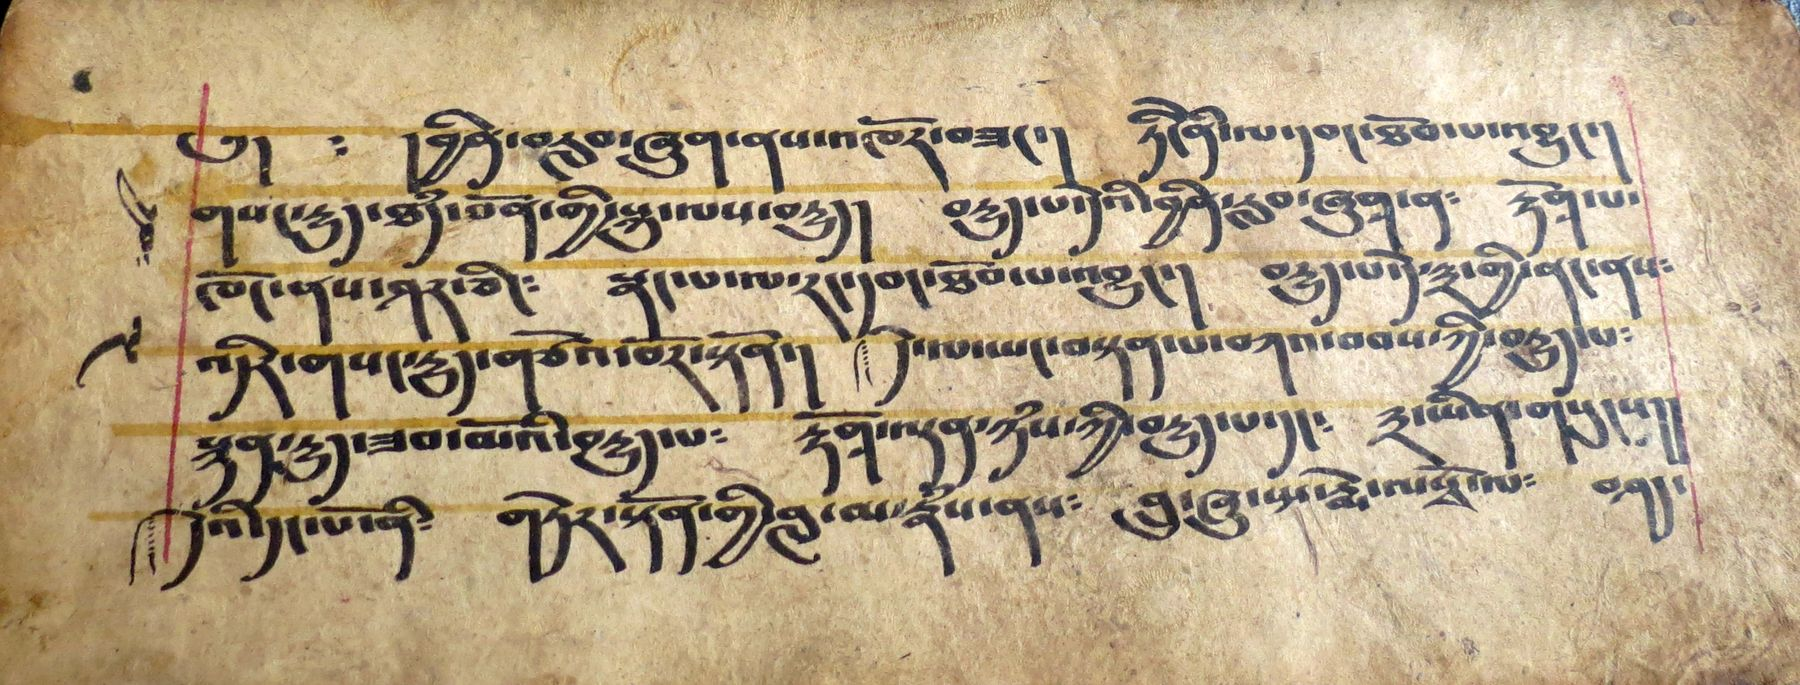བྱིན་རླབས་ཞུགས་ནས་འཁོར་བཟང་། ཏིང་འཛིན་ལ་རང་དབང་ཐོབ་པ་འབྱུང་། 
གསང་རྒྱུད་ཐམས་ཅད་བོན་གྱི་སྐུ་ལས་བརྒྱུད། བརྒྱུད་པ་དེའི་བྱིན་རླབས་ཞུགས་ན། རྟོགས་པ་
ཁོང་ནས་ཤར་ཞིང་། སྣང་བ་ལ་རང་དབང་ཐོབ་པ་འབྱུང་། བརྒྱུད་པ་དེ་གསུམ་གྱི་ནང་ནས་
འདིར་གསང་བརྒྱུད་གཙོ་བོར་སྟོན་ཏེ། དེ་ལ་ཡང་། བསྟན་པ་བཀའ་བབས་ཀྱི་བརྒྱུད་པ། 
སྙན་རྒྱུད་ཟབ་མོའི་བརྒྱུད་པ། རྟོགས་ལྡན་ཉམས་ཀྱི་བརྒྱུད་པ་དང་གསུམ་ཡིན་གསུངས། 
དེའི་དང་པོ་ནི། ༼ བསྟན་པ་བཀའ་བབས་ཀྱི་བརྒྱུད་པ༽གཏེར་སྟོན་གྱི་བླ་མ་རྣམས་དང་། བྲུ་ཞུ་སྤ་རྨེའུ་ལ་སོགས་ལ། བཤད་